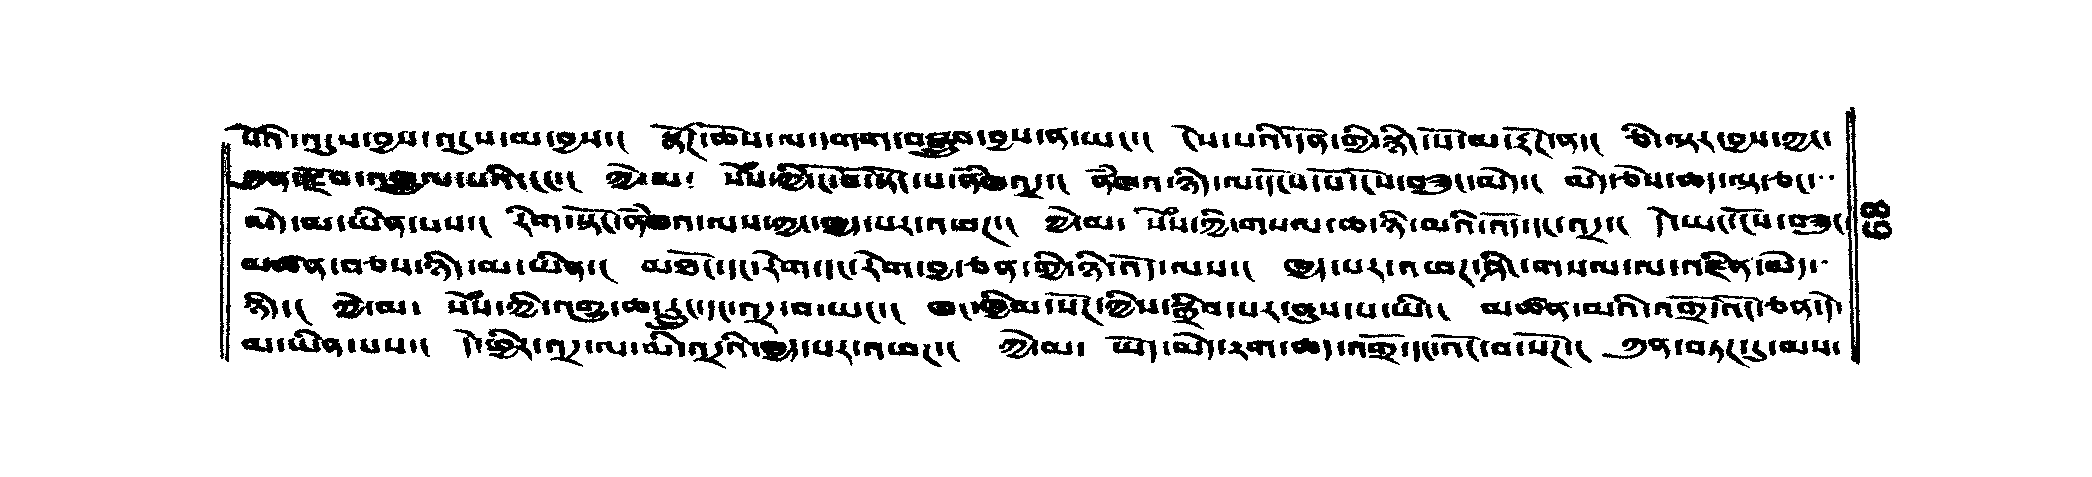པོའི་འདུས་བྱས་འདུས་མ་བྱས། །སྣ་ཚོགས་ཆོས་ལ་དགག་བསྒྲུབ་བྱས་ན་ཡང་།ངེས་པའི་དོན་གྱི་སྙིང་པོ་མ་རྟོགས་ན། །ཅི་ལྟར་བྱས་ཀྱང་
ཀུན་རྫོབ་འཁྲུལ་བའི་ངང་། ཀྱེ་མ། སེམས་ཀྱི་ངོ་བོ་སྟོང་པ་ནམ་མཁའ་འདྲ། །ནམ་མཁའ་ཉིད་ལ་དངོས་པོ་ངོས་འཛིན་མེད། །མེད་ཅེས་ཆད་ལྟ་ཅང་
མེད་མ་ཡིན་པས། །རིག་སྟོང་ནམ་མཁའ་ལས་ཀྱང་ཁྱད་པར་འཕགས། ཀྱེ་མ། སེམས་ཀྱི་གསལ་ཆ་ཉི་མའི་སྙིང་པོ་འདྲ། །དེ་ཡང་ངོས་བཟུང་
མཚན་བཅས་ཉིད་མ་ཡིན། །མཐོང་དང་རེག་དང་རེག་བྱ་ཅན་གྱི་ཉི་འོད་ལས། །ཁྱད་པར་འཕགས་ཤིང་གསལ་ལ་འཛིན་མེད་
ཉིད། ཀྱེ་མ། སེམས་ཀྱི་འགྱུ་ཆ་རླུང་དང་འདྲ་བ་ཡང་། །ཁང་ཁྱིམ་སོགས་ཀྱིས་སྒྲིབ་པར་ནུས་པ་ཡི། །མཚན་མའི་འགྲོ་འོང་ཅན་དེ་
མ་ཡིན་པས། །དེ་ཕྱིར་འདྲ་ལ་མི་འདྲའི་ཁྱད་པར་འཕགས། །ཀྱེ་མ་ཡོད་མེད་རྟག་ཆད་འགྲོ་དང་འོང་བ་སོགས། །ཀུན་བཏགས་དུ་མས་